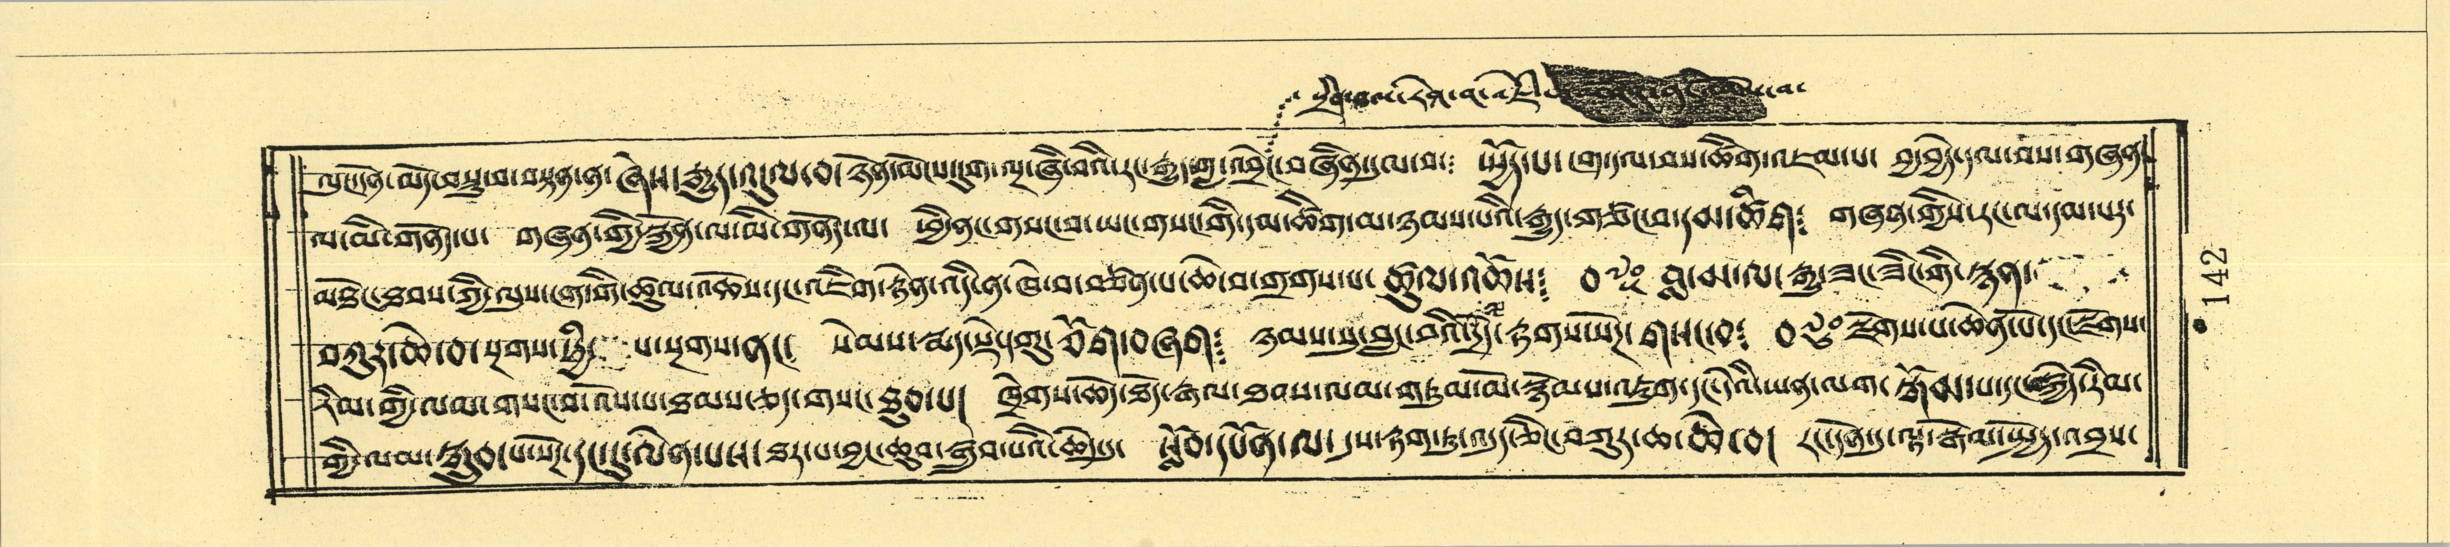ལུང་དོན་མདོ་བསྡུ་བ་བསྟན་ན་ཞེས་རྒྱུད་འདུལ་བ་ཉོན་མོངས་དུག་ལྔ་ཞི་བའི་རང་རྒྱུད་གླ་ཕྲེང་སྲིན་བལ་རེག་ན་འཇམ་པ་མནན་ན་འབོལ་བ་བཞིན་དུལ་བ་ སྤྱོད་པ་ངག་དལ་བས་ཚིག་འཇམ་པ། བྱ་བྱེད་དལ་བས་གཞན་
ལ་མི་གནོད་པ། གཞན་གྱི་སྐྱོན་ལ་མི་གནོད་པ། ཕྱི་ནང་གསང་བ་ཡང་གསང་གི་དམ་ཚིག་མ་ཉམས་པའི་རྒྱུད་གཙང་བ་དམ་ཚིག་ གཞན་གྱིས་རང་ལ་དམ་པར་
མཐོང་ཐབས་ཀྱི་ལུས་ངག་གི་ཚུལ་འཆོས་དང་འཇིག་རྟེན་འདི་ན་ཁེ་བ་བཙན་པ་ཆེ་བ་གྲགས་པ་ཚུལ་འཆོས་ བ༧༠།༥བླ་མ་ལ་རྒྱུ་ཟང་ཟིང་གི་བསྙེན་
བཀུར་ཆེ་བསྔགས་ཕྱི། པ་སྔགས་ནང་། སེམས་སྨད་སྡེ་དགུ་ཅོག་བཞག་ ཉམས་སུ་བླང་བའི་དྲོད་རྟགས་སོགས་གསང་བ་ བ༧༠།༦རྫོགས་པ་
ཆེན་པོ་དང་རྫོགས་རིམ་གྱི་ལམ་གསང་བ་འོས་པ་ཐམས་ཅད་གསང་ཐུབ་པ། ཁྲེགས་ཆོད་ཐོད་རྒལ་ཐབས་ལམ་གཏུམ་མོ་སྙོམས་འཇུག་དང་དེའི་ཡན་ལག་སྒོམ་པ་དང་བསྐྱེད་རིམ་
གྱི་ལམ་སྒྲུབ་པ་སོགས་དང་དུ་ལེན་པས་ཐར་པ་བྱང་ཆུབ་བསྒྲུབ་པའི་ཆེད་དུ་ སློབ་དཔོན་ལ་དུས་རྟག་ཏུ་འདུད་ཅིང་བཀུར་ཆ་ཆེ་བ་ རང་དོན་དུ་ལྟ་སྒོམ་སྤྱོད་འབྲས་